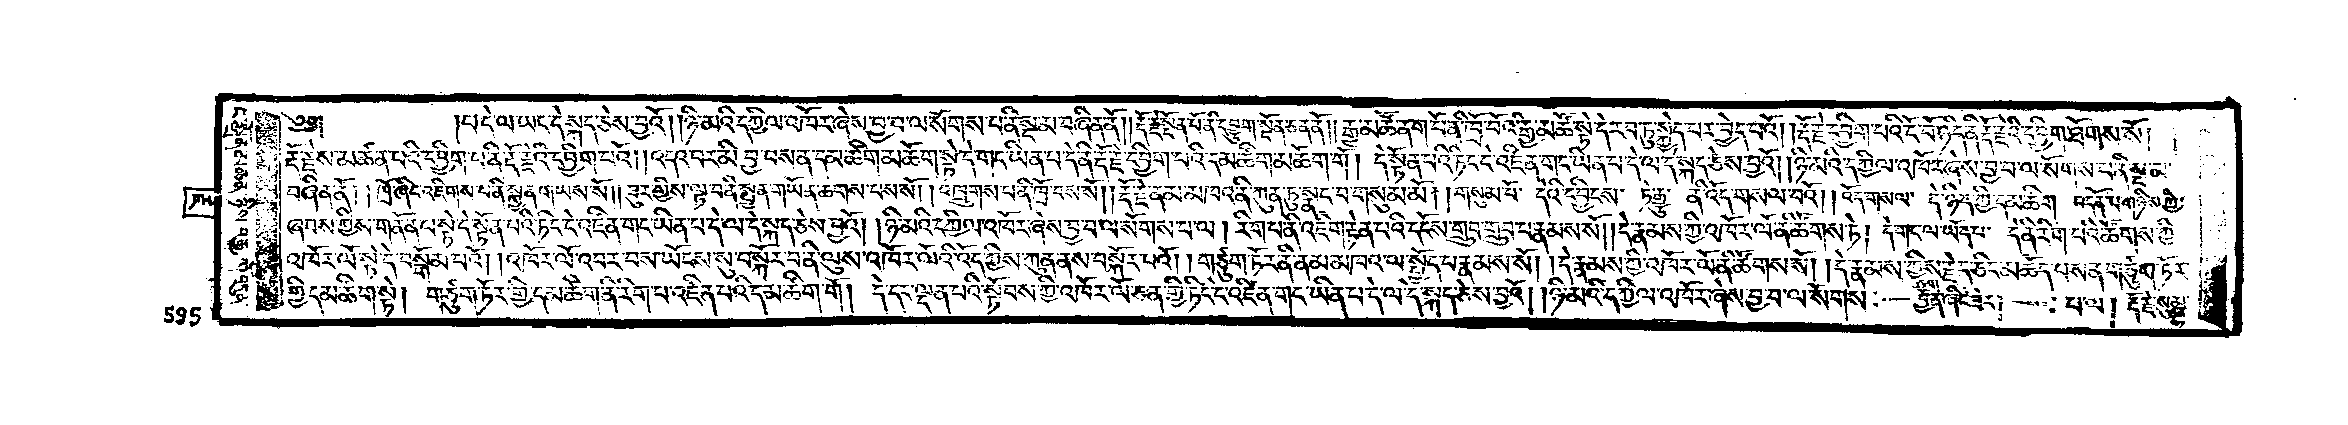༄༅། །པ་དེ་ལ་ཡང་དེ་སྐད་ཅེས་བྱའོ། །ཉི་མའི་དཀྱིལ་འཁོར་ཞེས་བྱ་བ་ལ་སོགས་པ་ནི་སྔ་མ་བཞིན་ནོ། ། རྡོ་རྗེ་སྔོན་པོ་ནི་དབྱུག་སྔོན་ཅན་ནོ། །རྒྱ་མཚོ་ནག་པོ་ནི་ཁྲོ་བོའི་རྒྱ་མཚོ་སྟེ་དེ་རབ་ཏུ་སྐྱེད་པར་བྱེད་པའོ། །རྡོ་རྗེ་དབྱིག་པའི་ངོ་བོ་ཉིད་ནི་རྡོ་རྗེའི་དབྱིག་ཐོགས་སོ། །
རྡོ་རྗེས་མཚན་པའི་དབྱིག་པ་ནི་རྡོ་རྗེའི་དབྱིག་པའོ། །འདའ་བར་མི་བྱ་བས་ན་དམ་ཚིག་མཆོག་སྟེ་དེ་གང་ཡིན་པ་དེ་ནི་རྡོ་རྗེ་དབྱིག་པའི་དམ་ཚིག་མཆོག་གོ །དེ་སྟོན་པའི་ཏིང་ངེ་འཛིན་གང་ཡིན་པ་དེ་ལ་དེ་སྐད་ཅེས་བྱའོ། །ཉི་མའི་དཀྱིལ་འཁོར་ཞེས་བྱ་བ་ལ་སོགས་པ་ནི་སྔ་མ་
བཞིན་ནོ། ། ཁྲོ་ཞིང་འཇིགས་པ་ནི་སྤྱན་གཡས་སོ། །ཟུར་གྱིས་ལྟ་བ་ནི་སྤྱན་གཡོན་ཆགས་པས་སོ། །འཁྲུགས་པ་ནི་ཁྲོ་བས་སོ། །རྡོ་རྗེ་ནམ་མཁའ་ནི་ཀུན་ཏུ་སྣང་བ་གསུམ་མོ། ། གསུམ་པོ་དེའི་དབྱིངས་ཏེ་རྒྱུ་ནི་འོད་གསལ་བའོ། །འོད་གསལ་དེ་ཉིད་ཀྱི་དམ་ཚིག་བདེན་པ་གཉིས་ཀྱི་
ཞབས་ཀྱིས་གནོན་པ་སྟེ་དེ་སྟོན་པའི་ཏིང་ངེ་འཛིན་གང་ཡིན་པ་དེ་ལ་དེ་སྐད་ཅེས་བྱའོ། །ཉི་མའི་དཀྱིལ་འཁོར་ཞེས་བྱ་བ་ལ་སོགས་པ་ལ། རིག་པ་ནི་འཇིག་རྟེན་པའི་དངོས་གྲུབ་གྲུབ་པ་རྣམས་སོ། །དེ་རྣམས་ཀྱི་འཁོར་ལོ་ནི་ཚོགས་ཏེ། དེ་གང་ལ་ཡོད་པ་དེ་ནི་རིག་པའི་ཚོགས་ཀྱི་
འཁོར་ལོ་སྟེ་དེ་བསྒོམ་པའོ། །འཁོར་ལོ་འབར་བས་ཡོངས་སུ་བསྐོར་བ་ནི་ལུས་འཁོར་ལོའི་འོད་ཀྱིས་ཀུན་ནས་བསྐོར་པའོ། །གཙུག་ཏོར་ནི་ནམ་མཁའ་ལ་སྤྱོད་པ་རྣམས་སོ། །དེ་རྣམས་ཀྱི་འཁོར་ལོ་ནི་ཚོགས་སོ། །དེ་རྣམས་ཀྱིས་རྗེད་ཅིང་མཆོད་པས་ན་གཙུག་ཏོར་
གྱི་དམ་ཚིག་སྟེ། གཙུག་ཏོར་གྱི་དམ་ཚིག་ནི་རིག་པ་འཛིན་པའི་དམ་ཚིག་གོ ། དེ་དང་ལྡན་པའི་སྟོབས་ཀྱི་འཁོར་ལོ་ཅན་གྱི་ཏིང་ངེ་འཛིན་གང་ཡིན་པ་དེ་ལ་དེ་སྐད་ཅེས་བྱའོ། །ཉི་མའི་དཀྱིལ་འཁོར་ཞེས་བྱ་བ་ལ་སོགས་H.་ཆག་བྱོན་ཞིང་ཟེར། .H པ་ལ། རྡོ་རྗེ་སུམ་